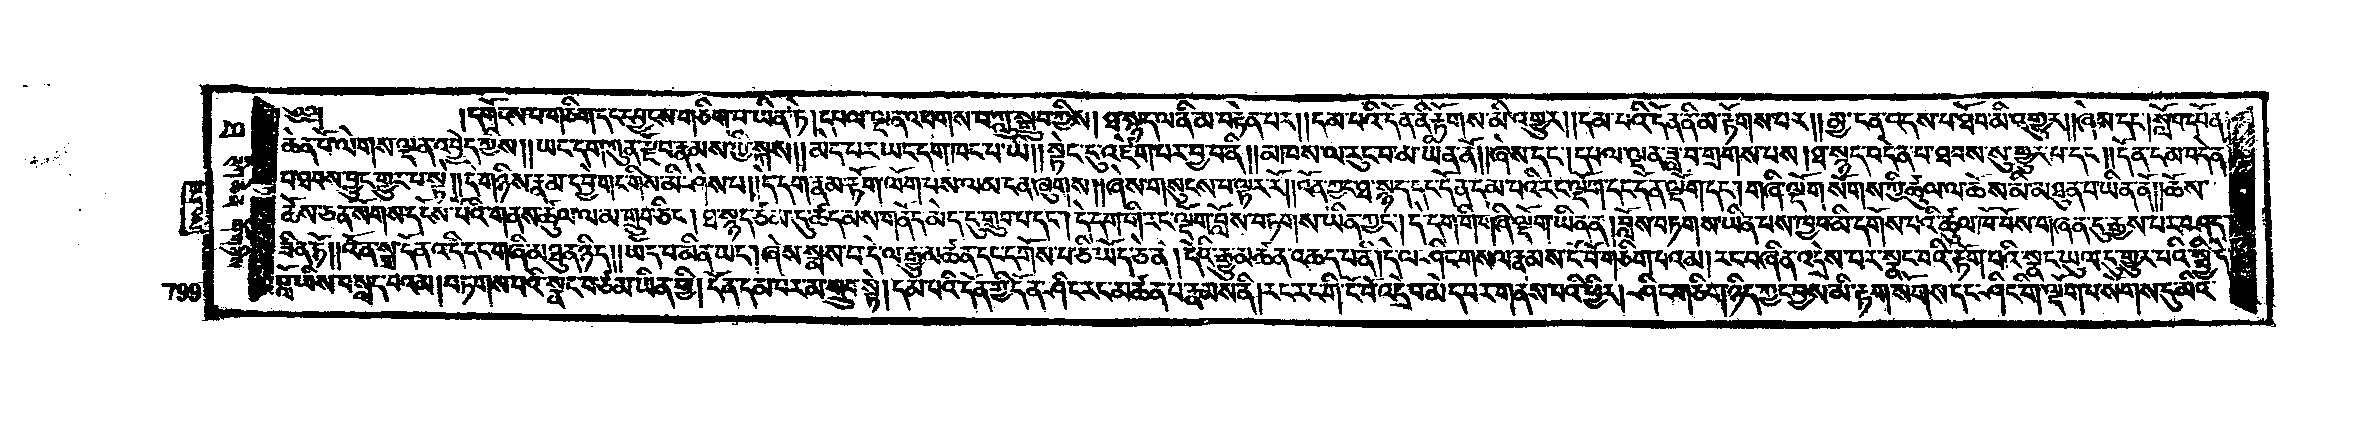༄༅། །དགོངས་པ་གཅིག་དང་དབྱངས་གཅིག་པ་ཡིན་ཏེ། དཔལ་ལྡན་འཕགས་པ་ཀླུ་སྒྲུབ་ཀྱིས། ཐ་སྙད་ལ་ནི་མ་བརྟེན་པར། །དམ་པའི་དོན་ནི་རྟོགས་མི་འགྱུར། །དམ་པའི་དོན་ནི་མ་རྟོགས་པར། །མྱ་ངན་འདས་པ་ཐོབ་མི་འགྱུར། །ཞེས་དང་། སློབ་དཔོན་
ཆེན་པོ་ལེགས་ལྡན་འབྱེད་ཀྱིས། །ཡང་དག་ཀུན་རྫོབ་རྣམས་ཀྱི་སྐས། །མེད་པར་ཡང་དག་ཁང་པ་ཡི། །སྟེང་དུ་འཛེག་པར་བྱ་བ་ནི། །མཁས་ལ་རུང་བ་མ་ཡིན་ནོ། །ཞེས་དང་། དཔལ་ལྡན་ཟླ་བ་གྲགས་པས། ཐ་སྙད་བདེན་པ་ཐབས་སུ་གྱུར་པ་དང་། །དོན་དམ་བདེན་
པ་ཐབས་བྱུང་གྱུར་པ་སྟེ། །དེ་གཉིས་རྣམ་དབྱེ་གང་གིས་མི་ཤེས་པ། །དེ་དག་རྣམ་རྟོག་ལོག་པས་ལམ་ངན་ཞུགས། །ཞེས་གསུངས་པ་ལྟར་རོ། །འོན་ཀྱང་ཐ་སྙད་དང་དོན་དམ་པའི་རང་ལྡོག་དང་དོན་ལྡོག་དང་། གཞི་ལྡོག་སོགས་ཀྱི་ཚུལ་ལ་ཆོས་མི་མཐུན་པ་ཡིན་ནོ། །ཆོས་
ཆོས་ཅན་སོགས་དངོས་པོའི་གནས་ཚུལ་ལ་མ་གྲུབ་ཅིང་། ཐ་སྙད་ཙམ་དུ་ཚད་མས་གནོད་མེད་དུ་གྲུབ་པ་དང་། དེ་དག་གི་རང་ལྡོག་བློས་བཏགས་ཡིན་ཀྱང་། དེ་དག་གི་གཞི་ལྡོག་ཡིན་ན། བློས་བཏགས་ཡིན་པས་ཁྱབ་མི་དགོས་པའི་ཚུལ་ཁོ་བོས་གཞན་དུ་རྒྱས་པར་བཤད་
ཟིན་ཏོ། །འོ་ན་སྒྲ་དོན་འདི་དང་གཞི་མཐུན་ཉིད། །ཡོད་པ་མིན་ཡང་། ཞེས་སྨས་པ་དེ་ལ་རྒྱུ་མཚན་དང་དགོས་པ་ཅི་ཡོད་ཅེ་ན། དེའི་རྒྱུ་མཚན་འཆད་པ་ནི། དེ་ལ་ཤིང་གསལ་རྣམས་ངོ་བོ་གཅིག་པའམ། རང་བཞིན་འདྲེས་པར་སྣང་བའི་རྟོག་པའི་སྣང་ཡུལ་དུ་གྱུར་པའི་སྤྱི་དེ་
བློ་ཡིས་བསླད་པའམ། བཏགས་པའི་སྣང་བ་ཙམ་ཡིན་གྱི། དོན་དམ་པར་མ་གྲུབ་སྟེ། དམ་པའི་དོན་གྱི་དོན་ཤིང་རང་མཚན་པ་རྣམས་ནི། རང་རང་གི་ངོ་བོ་འདྲེ་བ་མེད་པར་གནས་པའི་ཕྱིར། ཤིང་གཅིག་ཉིད་ཀྱང་བྱས་མི་རྟག་སོགས་དང་ཤིང་གི་ལྡོག་པ་སོགས་དུ་མིའི་